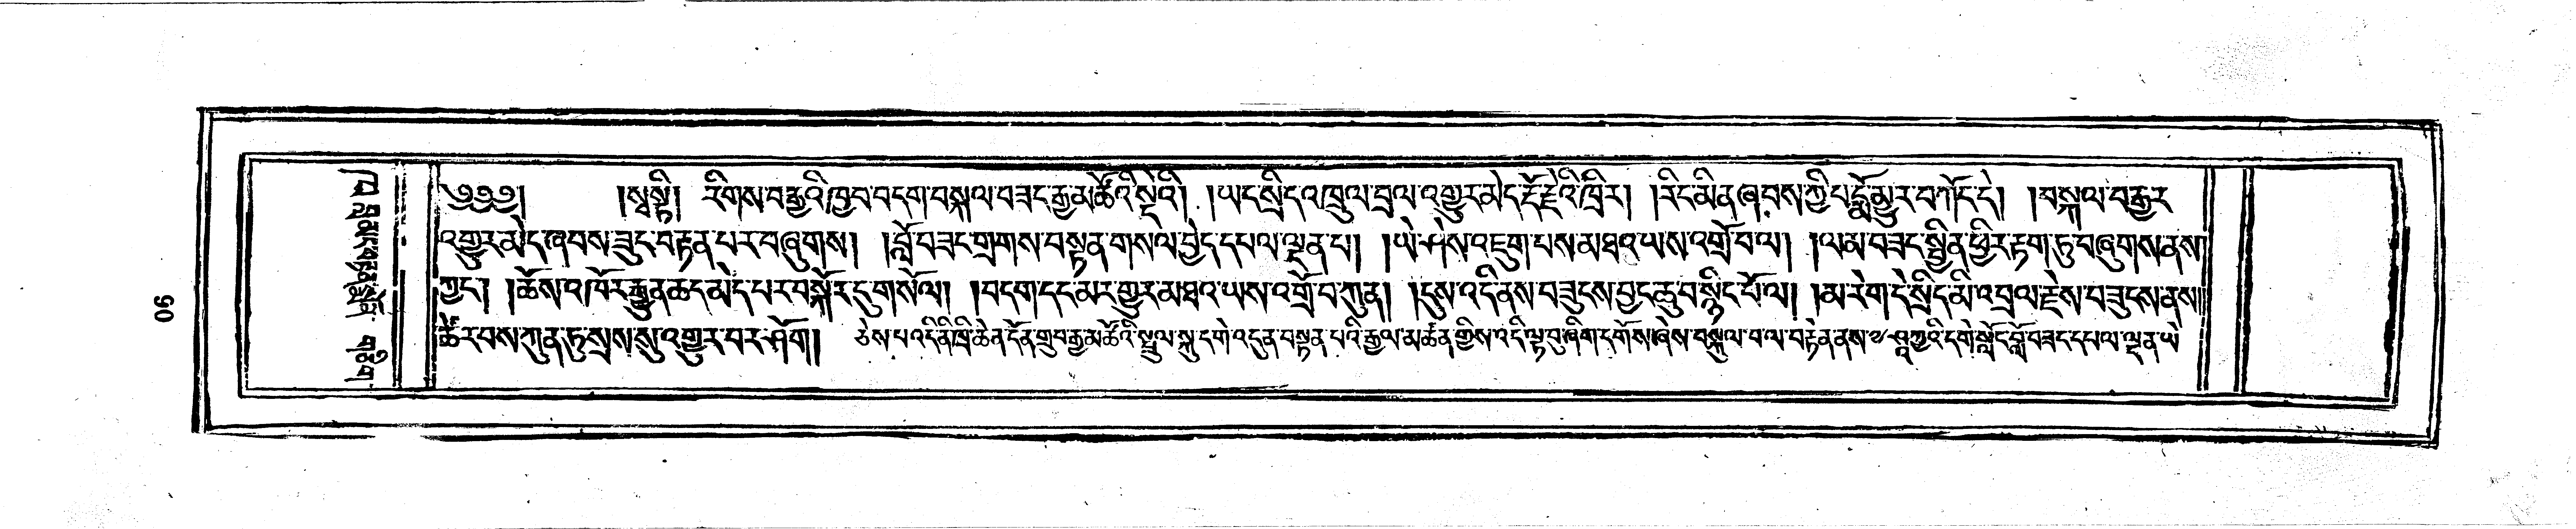༄༅༅། །སྭ་སྟི། རིགས་བརྒྱའི་ཁྱབ་བདག་བསྐལ་བཟང་རྒྱ་མཚོའི་སྡེའི། །ཡང་སྲིད་འཁྲུལ་བྲལ་འགྱུར་མེད་རྡོ་རྗེའི་ཁྲིར། །རིང་མིན་ཞབས་ཀྱི་པདམོ་མྱུར་བཀོད་དེ། །བསྐལ་བརྒྱར་
འགྱུར་མེད་ཞབས་ཟུང་བརྟན་པར་བཞུགས། །བློ་བཟང་གྲགས་བསྟན་གསལ་བྱེད་དཔལ་ལྡན་པ། །ཡེ་ཤེས་འཇུག་པས་མཐའ་ཡས་འགྲོ་བ་ལ། །ལམ་བཟང་སྦྱིན་ཕྱིར་རྟག་ཏུ་བཞུགས་ནས་
ཀྱང་། །ཆོས་འཁོར་རྒྱུན་ཆད་མེད་པར་བསྐོར་དུ་གསོལ། །བདག་དང་མར་གྱུར་མཐའ་ཡས་འགྲོ་བ་ཀུན། །དུས་འདི་ནས་བཟུངས་བྱང་ཆུབ་སྙིང་པོ་ལ། །མ་རེག་དེ་སྲིད་མི་འབྲལ་རྗེས་བཟུངས་ནས་
ཚེ་རབས་ཀུན་ཏུ་སྲས་སུ་འགྱུར་བར་ཤོག། ཅེས་པ་འདི་ནི་ཁྲི་ཆེན་དོན་གྲུབ་རྒྱ་མཚོའི་སྤྲུལ་སྐུ་དགེ་འདུན་བསྟན་པའི་རྒྱལ་མཚན་གྱིས་འདི་ལྟ་བུ་ཞིག་དགོས་ཞེས་བསྐུལ་བ་ལ་བརྟེན་ནས་༧་ཤཱཀྱའི་དགེ་སློང་བློ་བཟང་དཔལ་ལྡན་ཡེ་